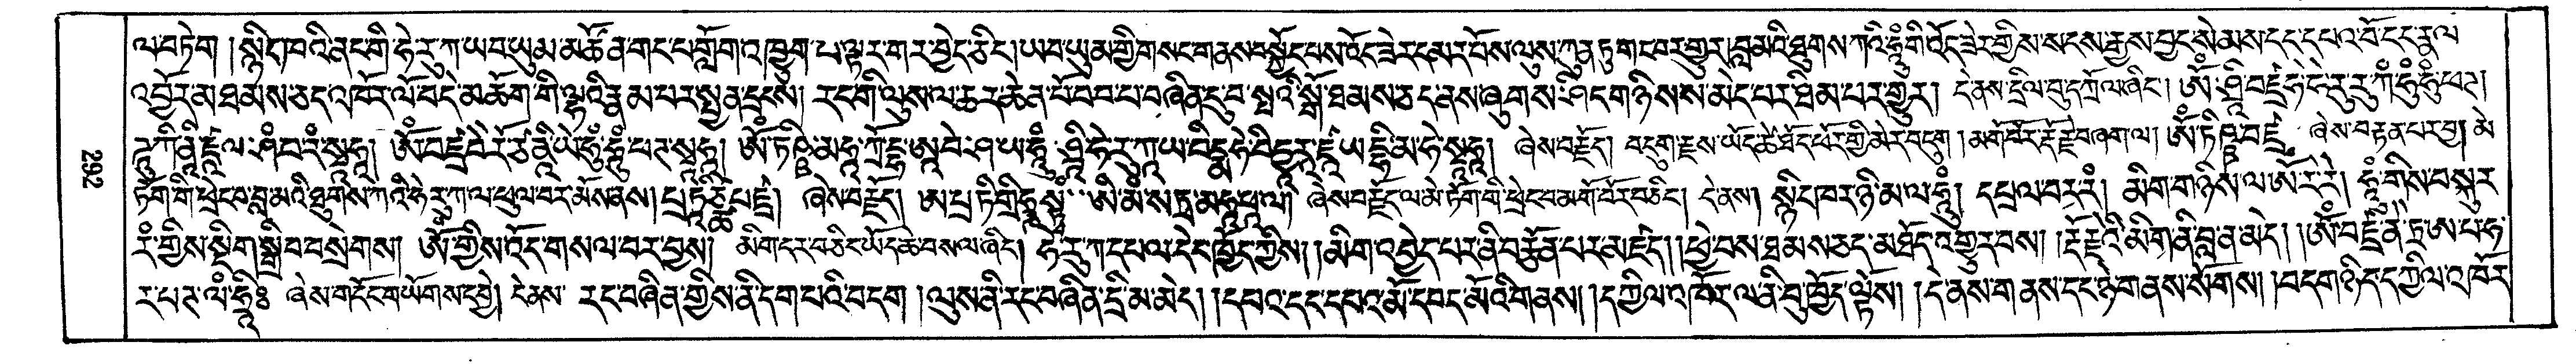ལ་བཏེག །སྙིང་ཁའི་ནང་གི་ཧེ་རུ་ཀ་ཡབ་ཡུམ་མཚོན་གང་པ་གློག་འཁྱུག་པ་ལྟར་གར་བྱེད་ཅིང་། ཡབ་ཡུམ་གྱི་གསང་གནས་བསྐྱོང་པས་འོད་ཟེར་དམར་པོས་ལུས་ཀུན་ཏུ་གང་བར་གྱུར། བླ་མའི་ཐུགས་ཀའི་ཧཱུཾ་གི་འོད་ཟེར་གྱིས་སངས་རྒྱས་བྱང་སེམས་དང་དཔའ་བོ་དང་རྣལ་
འབྱོར་མ་ཐམས་ཅད་འཁོར་ལོ་བདེ་མཆོག་གི་ལྷའི་རྣམ་པར་སྤྱན་དྲངས། རང་གི་ལུས་ལ་ཆར་ཆེན་པོ་བབ་པ་བཞིན་དུ་བ་སྤུའི་སྒོ་ཐམས་ཅད་ནས་ཞུགས་ཤིང་གཉིས་སུ་མེད་པར་ཐིམ་པར་གྱུར། དེ་ནས་དྲིལ་བུ་དཀྲོལ་ཞིང་། ཨོཾ་ཤྲཱི་བཛྲ་ཧེ་ཧེ་རུ་རུ་ཀཾ་ཧུཾ་ཧུཾ་ཕཊ།
ཌཱ་ཀི་ནཱི་ཛཱ་ལ་ཤཾ་བ་རཾ་སྭཱཧཱ། ཨོཾ་བཛྲ་བཻ་རོ་ཙ་ནཱི་ཡེ་ཧུཾ་ཧཱུཾ་ཕཊ་སཱཧཱ། ཨོཾ་ཏི་ཥཊཿཨ་མཧཱ་ཀྲོ་དྷ་ཨཱ་བེ་ཤ་ཡ་ཧཱུཾ་ཤྲིའི་ཧེ་རུ་ཀཱ་ཡ་བིདམ་ཧེ་བིདྱཱ་རཱ་ཛཱ་ཡ་དྷི་མ་ཧེ་སྭཱཧཱ། ཞེས་བརྗོད། བདུག་རྫས་ཡོད་ཚེ་ཐོད་ཕོར་གྱི་མེར་བདུག །མགོ་བོར་རྡོ་རྗེ་བཞག་ལ། ཨོཾ་ཏིཥཊཿཨ་བཛྲ་ཞེས་བརྟན་པར་བྱ། མེ་
ཏོག་གི་ཕྲེང་བ་བླ་མའི་ཐུགས་ཀའི་ཧེ་རུ་ཀ་ལ་ཕུལ་པར་མོས་ནས། པྲ་ཏཱཙྪི་བཛྲ་ཞེས་བརྗོད། ཨོཾ་བྲ་ཏི་གྲྀདྷནཎ་སྟྭཾ་ཨི་མཾ་སཏྭ་མཧཱ་བཱ་ལ། ཞེས་བརྗོད་ལ་མེ་ཏོག་གི་ཕྲེང་བ་མགོ་བོར་བཅིང་། དེ་ནས༑ སྙིང་ཁར་ཉི་མ་ལ་ཧཱུཾ། དཔྲལ་བར་རཾ། མིག་གཉིས་ལ་ཨོཾ་རེ་རེ། ཧཱུཾ་གིས་བསྐུལ།
རཾ་གྱིས་སྡིག་སྒྲིབ་བསྲེགས། ཨོཾ་གྱིས་འོད་གསལ་བར་བྱས། མིག་དར་བཅིང་ཡོད་ཆེ་བསལ་ཞིང་། ཧེ་རུ་ཀ་དཔལ་དེང་ཁྱོད་ཀྱིས། །མིག་འབྱེད་བར་ནི་བརྩོན་པར་མཛད། །ཕྱེ་བས་ཐམས་ཅད་མཐོང་འགྱུར་བས། །རྡོ་རྗེའི་མིག་ནི་བླ་ན་མེད། །ཨོཾ་བཛྲ་ནཻ་ཏྲ་ཨ་པ་ཧ་
ར་ཕཊ་ལཾ་ཧྲིའིཿ ཞེས་གདོང་གཡོགས་དབྱེ། དེ་ནས། རང་བཞིན་གྱིས་ནི་དག་པའི་བདག །ལུས་ནི་རང་བཞིན་དྲི་མ་མེད། །དཔའ་དང་དཔའ་མོ་དབང་མོའི་གནས། །དཀྱིལ་འཁོར་ལ་ནི་བུ་ཁྱོད་ལྟོས། །དེ་ནས་གནས་དང་ཉེ་གནས་སོགས། །བདག་ཉིད་དཀྱིལ་འཁོར་